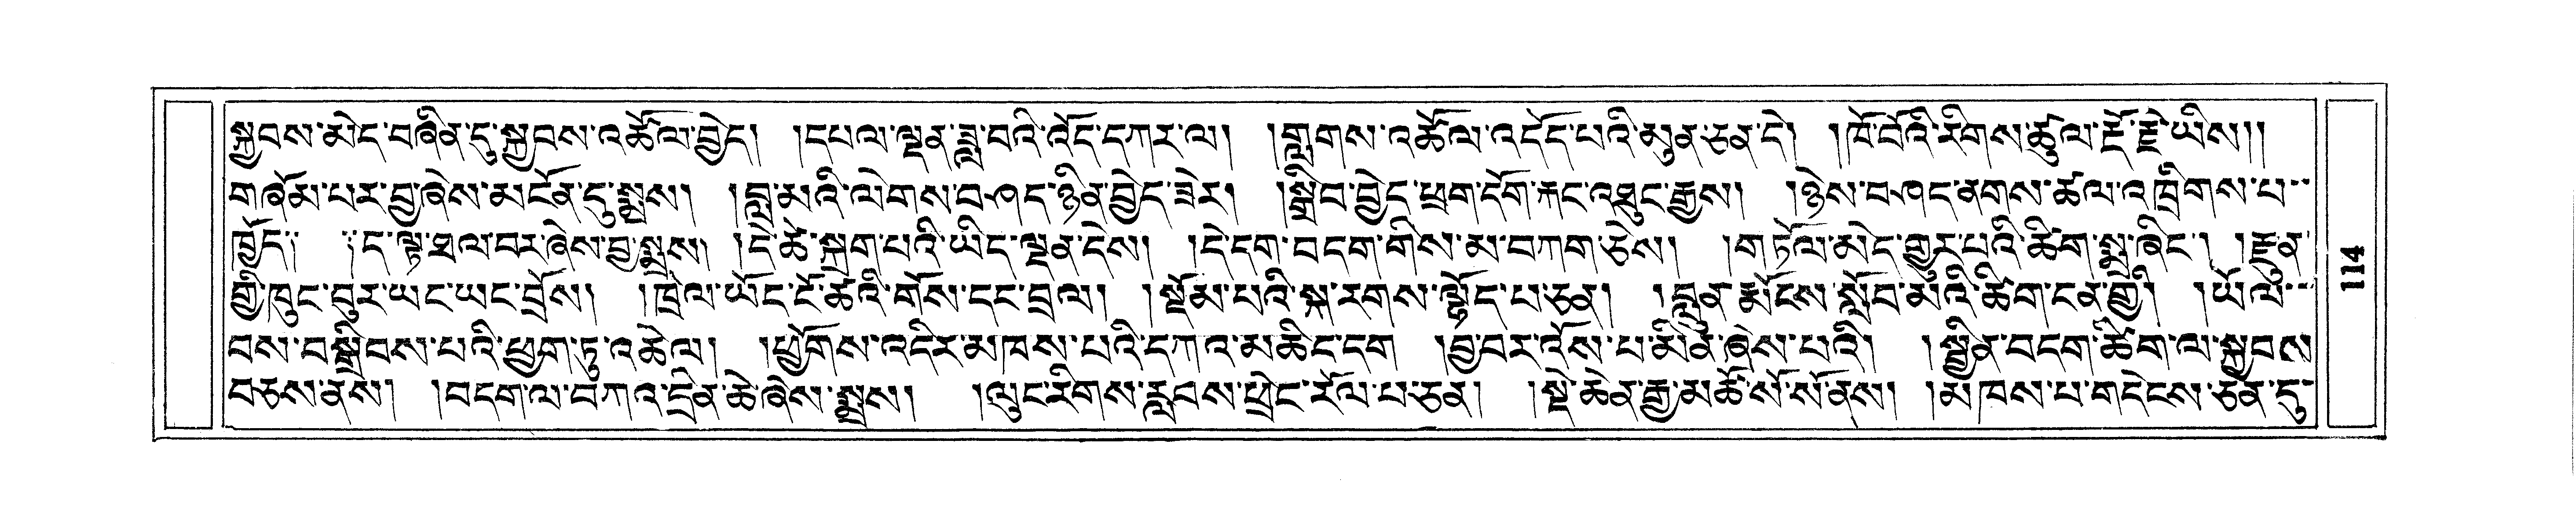སྐྱབས་མེད་བཞིན་དུ་སྐྱབས་འཚོལ་བྱེད། །དཔལ་ལྡན་ཟླ་བའི་འོད་དཀར་ལ། །གླགས་འཚོལ་འདོད་པའི་མུན་ཅན་དེ། །ཁོ་བོའི་རིགས་ཚུལ་རྡོ་རྗེ་ཡིས། །
གཞོམ་པར་བྱ་ཞེས་མངོན་དུ་སྨྲས། །བླ་མའི་ལེགས་བཤད་ཉིན་བྱེད་ཟེར། །སྒྲིབ་བྱེད་ཕྲག་དོག་རྐང་འཐུང་རྒྱས། །ཉེས་བཤད་ནགས་ཚལ་འཁྲིགས་པ་
ཁྱོད༑ ༑ད་ལྟ་ཐལ་བར་ཞེས་བྱ་སྨྲས། །དེ་ཚེ་སྐྲག་པའི་ཡིད་ལྡན་དེས། །དེ་དག་བདག་གིས་མ་བཀག་ཅེས། །གཏོལ་མེད་གྱུར་པའི་ཚིག་སྨྲ་ཞིང་། །རྫུན་
གྱི་ཁུང་བུར་ཡང་ཡང་བྲོས། །ཁྲེལ་ཡོད་ངོ་ཚའི་གོས་དང་བྲལ། །སྡོམ་པའི་སྐ་རགས་ལྷོད་པ་ཅན། །བླུན་རྨོངས་སློབ་མའི་ཚིག་ངན་གྱི། །ཡོལ་
བས་བསྒྲིབས་པའི་ཕྱག་ཏུ་འཆེལ། །ཕྱོགས་འདིར་མཁས་པའི་དཀའ་མཆིང་དག །བྱ་བར་འོས་པ་མིན་ཞེས་པའི། །སྦྱིན་བདག་ཚིག་ལ་སྐྱབས་
བཅས་ནས། །བདག་ལ་བཀའ་དྲིན་ཆེ་ཞེས་སྨྲས། །ལུང་རིགས་རླབས་ཕྲེང་རོལ་པ་ཅན། །སྡེ་ཆེན་རྒྱ་མཚོ་སོ་སོ་ནས། །མཁས་པ་གདེངས་ཅན་དུ་